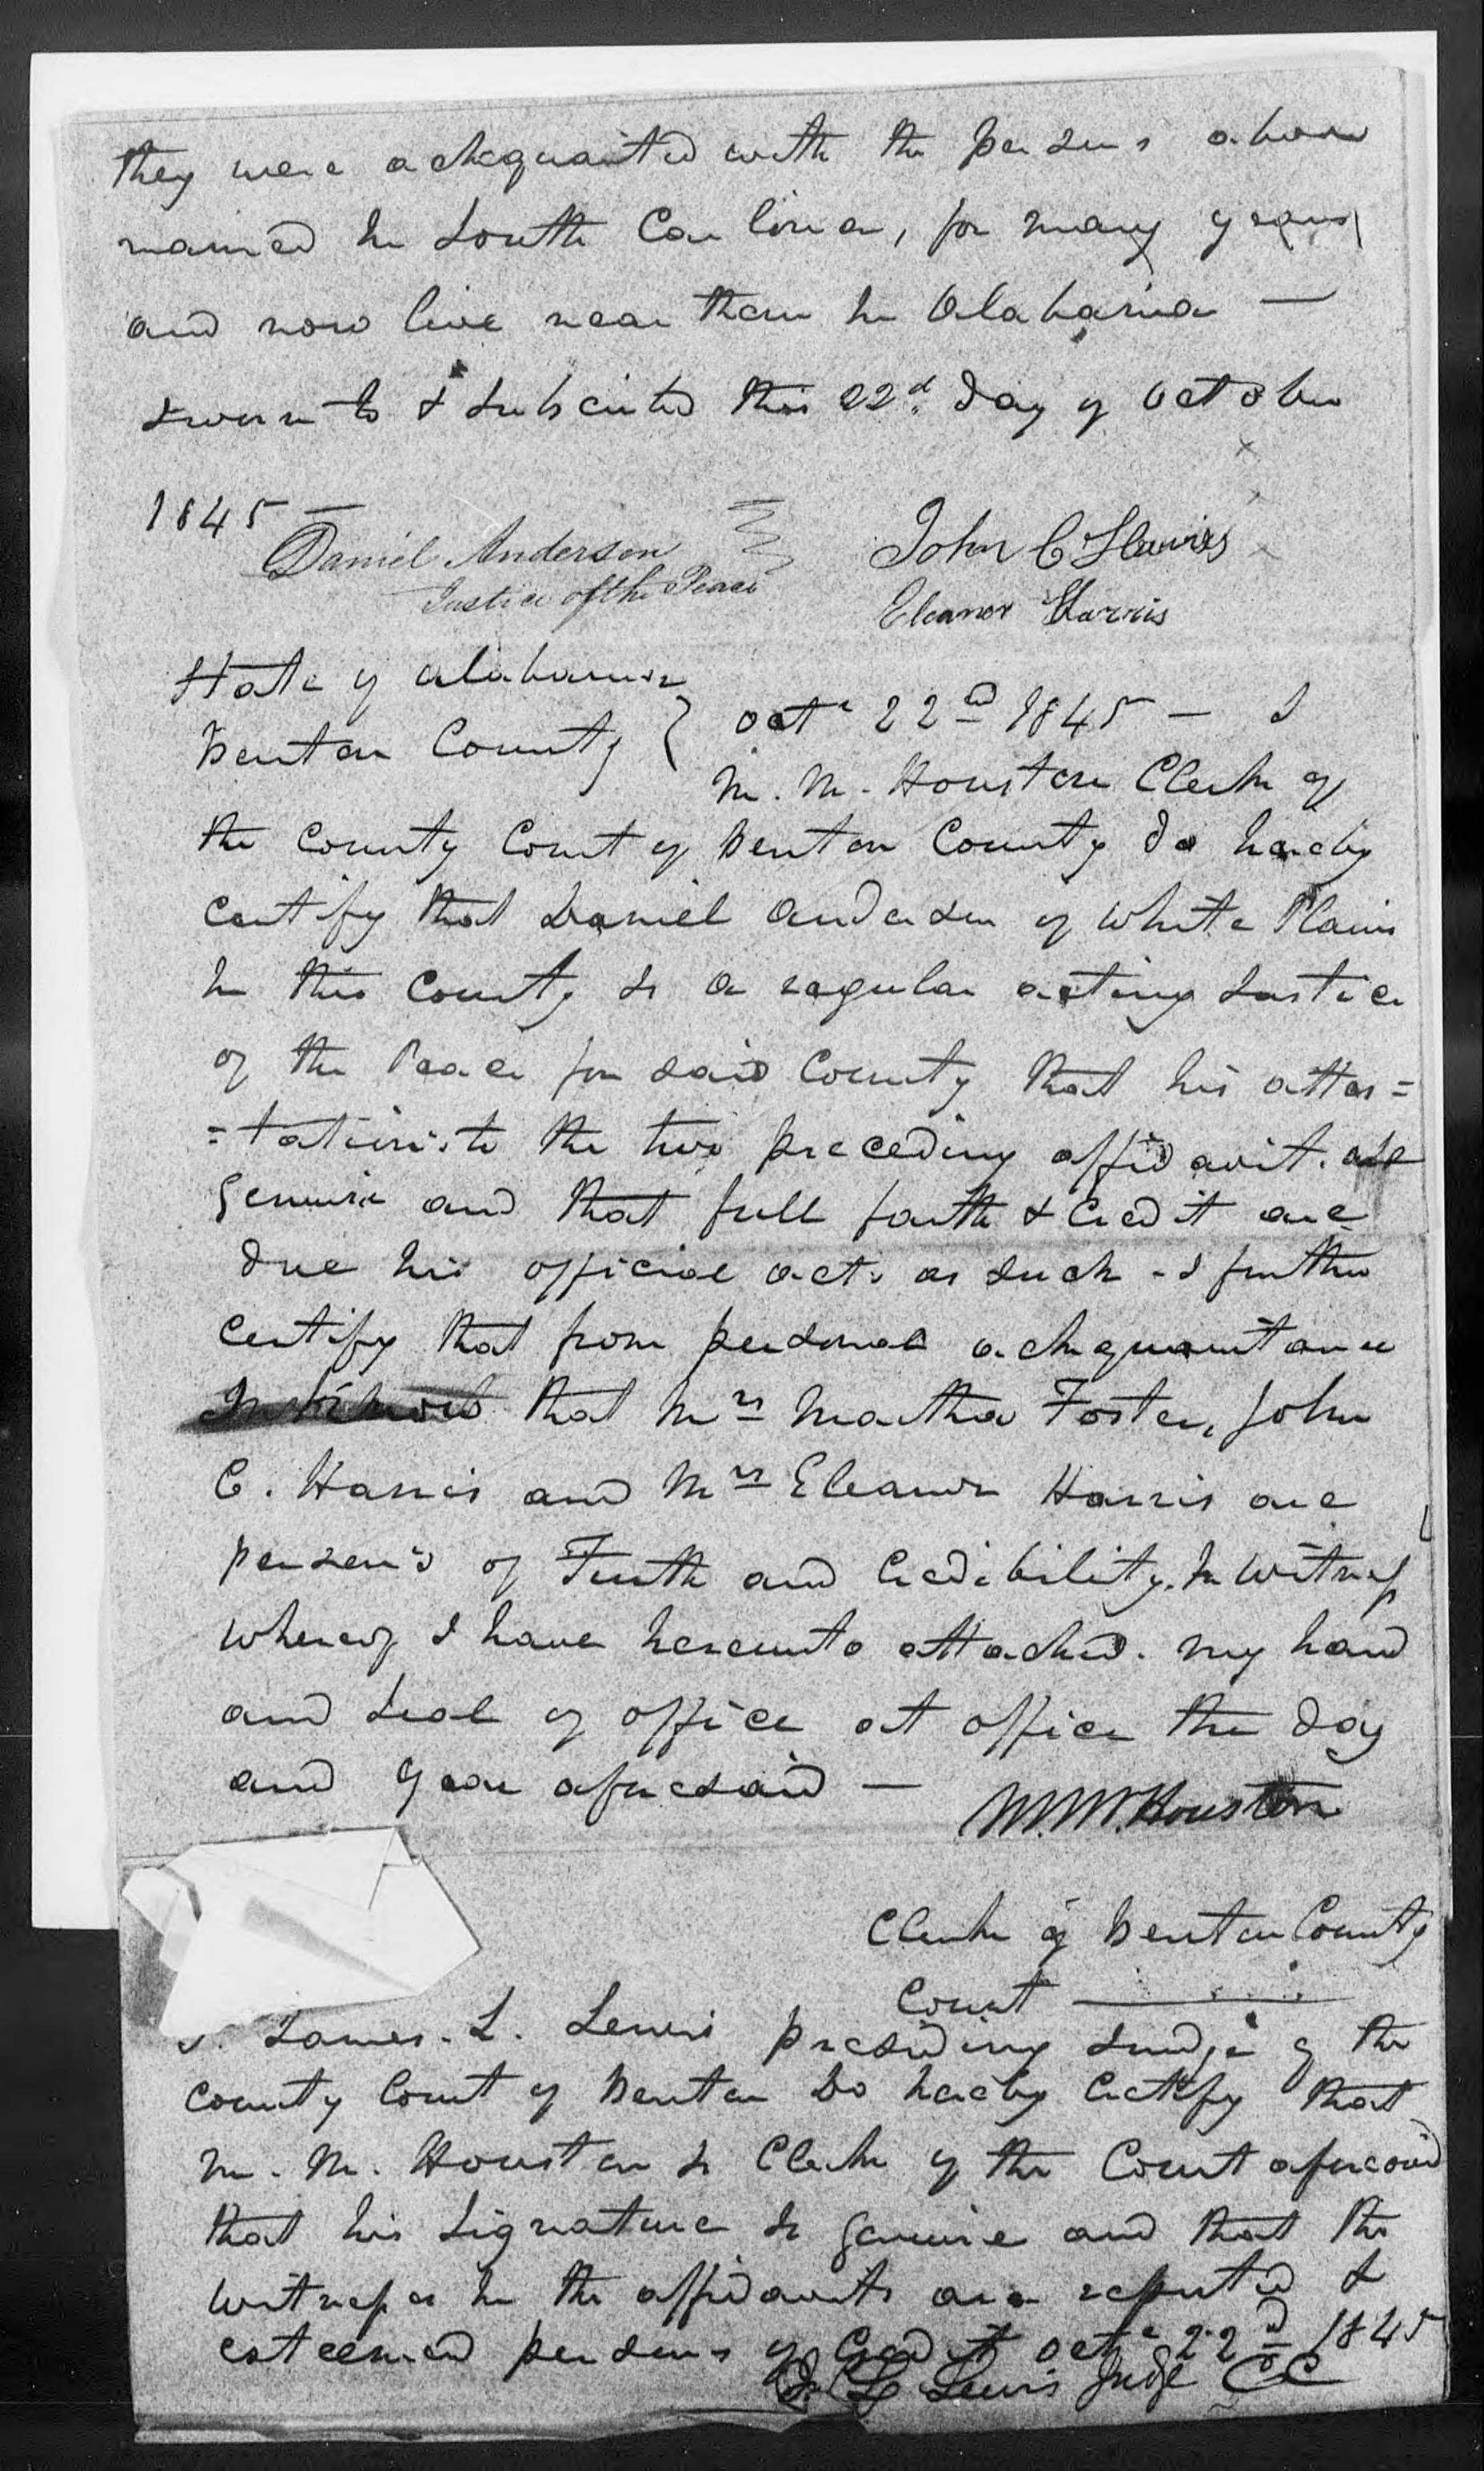they were acquainted with the person
shown named he south Carolina, for many years
and now live near them he Alabama
-
Sworn to & subscribed this 22d day of October
1845
-
Daniel Anderson
Justice of the Peace
John C Harris
Eleanor Harris
State of Alabama
Benton County
Oct 22nd 1845
I M. M. Houston Clerk of
the County Court of Benton County do hereby
certify by that Daniel Anderson of White Plains
In this Court & or regular acting Justice
of the Peace for said County that his attestation to the two preceding affidavit are genuine and that full faith & credit and
due his official acts as such - I further
certify that from personal acquaintance
that Mrs. Martha Foster, John
C. Harris and Mrs Eleanor Harris are
persons of truth and Credibility. In witness
whereof I have hereunto attached my hand
and seal of office at office the day
and year aforesaid
M. M. Houston
Clerk of Benton County Court
James L. Lewis
presiding
Judge of the
County Court of Benton do hereby certify that
M. M. Houston & Clerk of the Court aforesaid
that his signature is genuine and that the
witnesses he the affidavits and reputed &
esteemed persons 
[illegible]Oct 22 1845
J. L. Lewis Judge CC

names: Daniel Anderson, John C Harris, Eleanor Harris, Martha Foster, M M Houston, M M Houston, James L Lewis, M M Houston, Eleanor Harris, Daniel Andersen, J L Lewis, John C Harris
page: 41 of 91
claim: widow's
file: W. 10576, Francis Carlisle, S.C.